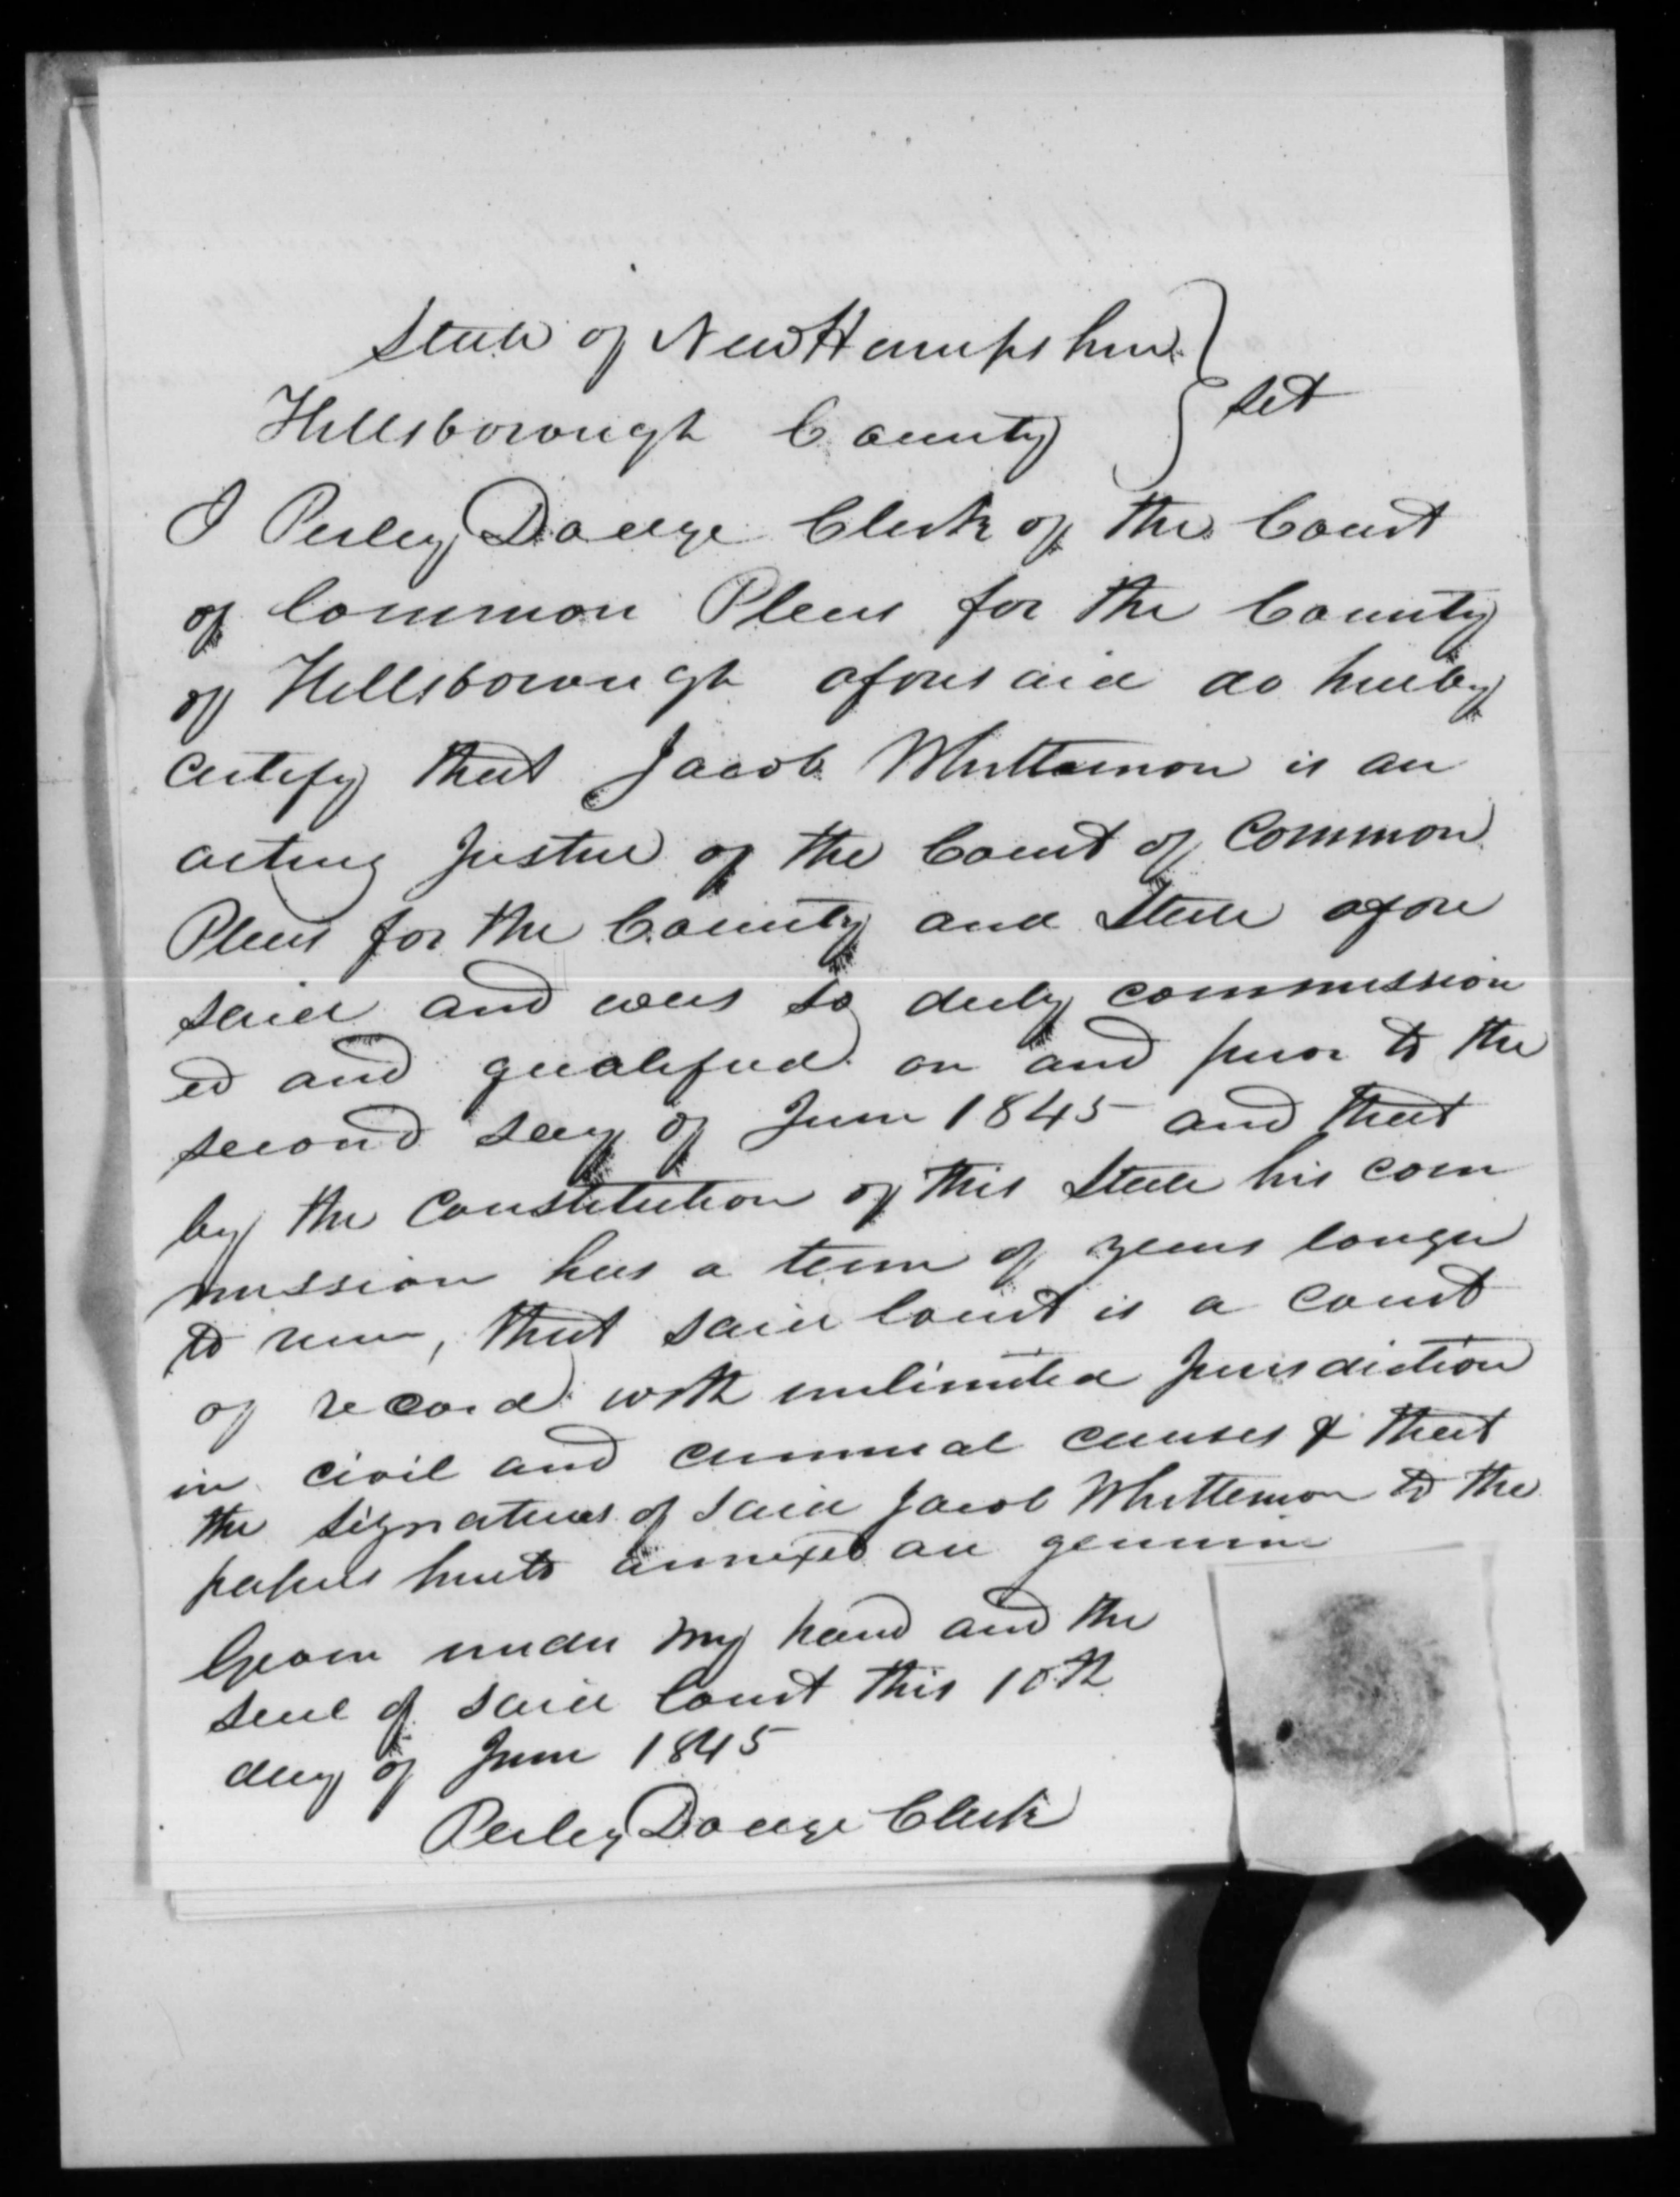State of New Hampshire 
Hillsborough County
I Perley Dodge Clerk of the Court of Common Pleas for the County of Hillsborough aforesaid do hereby certify that Jacob Whitlemore is an acting Justice of the Court of Common Pleas for the County and State aforesaid and was so duly commissioned and qualified on and from that second day of June 1845 and that by the Constitution of the State his ____ ___ has a term of years ____ to ____ that said Court of _____ with ____ justification in ___ ___and ____ ___ __ that the sign ___ of Justice Jacob Whitlemore to the ___ ___ ___ ___ 
____ ___ my hand and the seal of this state ___ this 10th day of June 1845 
Perley Dodge Clerk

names: Jacob Whitlemore; Perley Dodge; Jacob Whitlemore; Perley Dodge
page: 16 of 55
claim: widow's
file: W 19058, for James Smith, Massachusetts